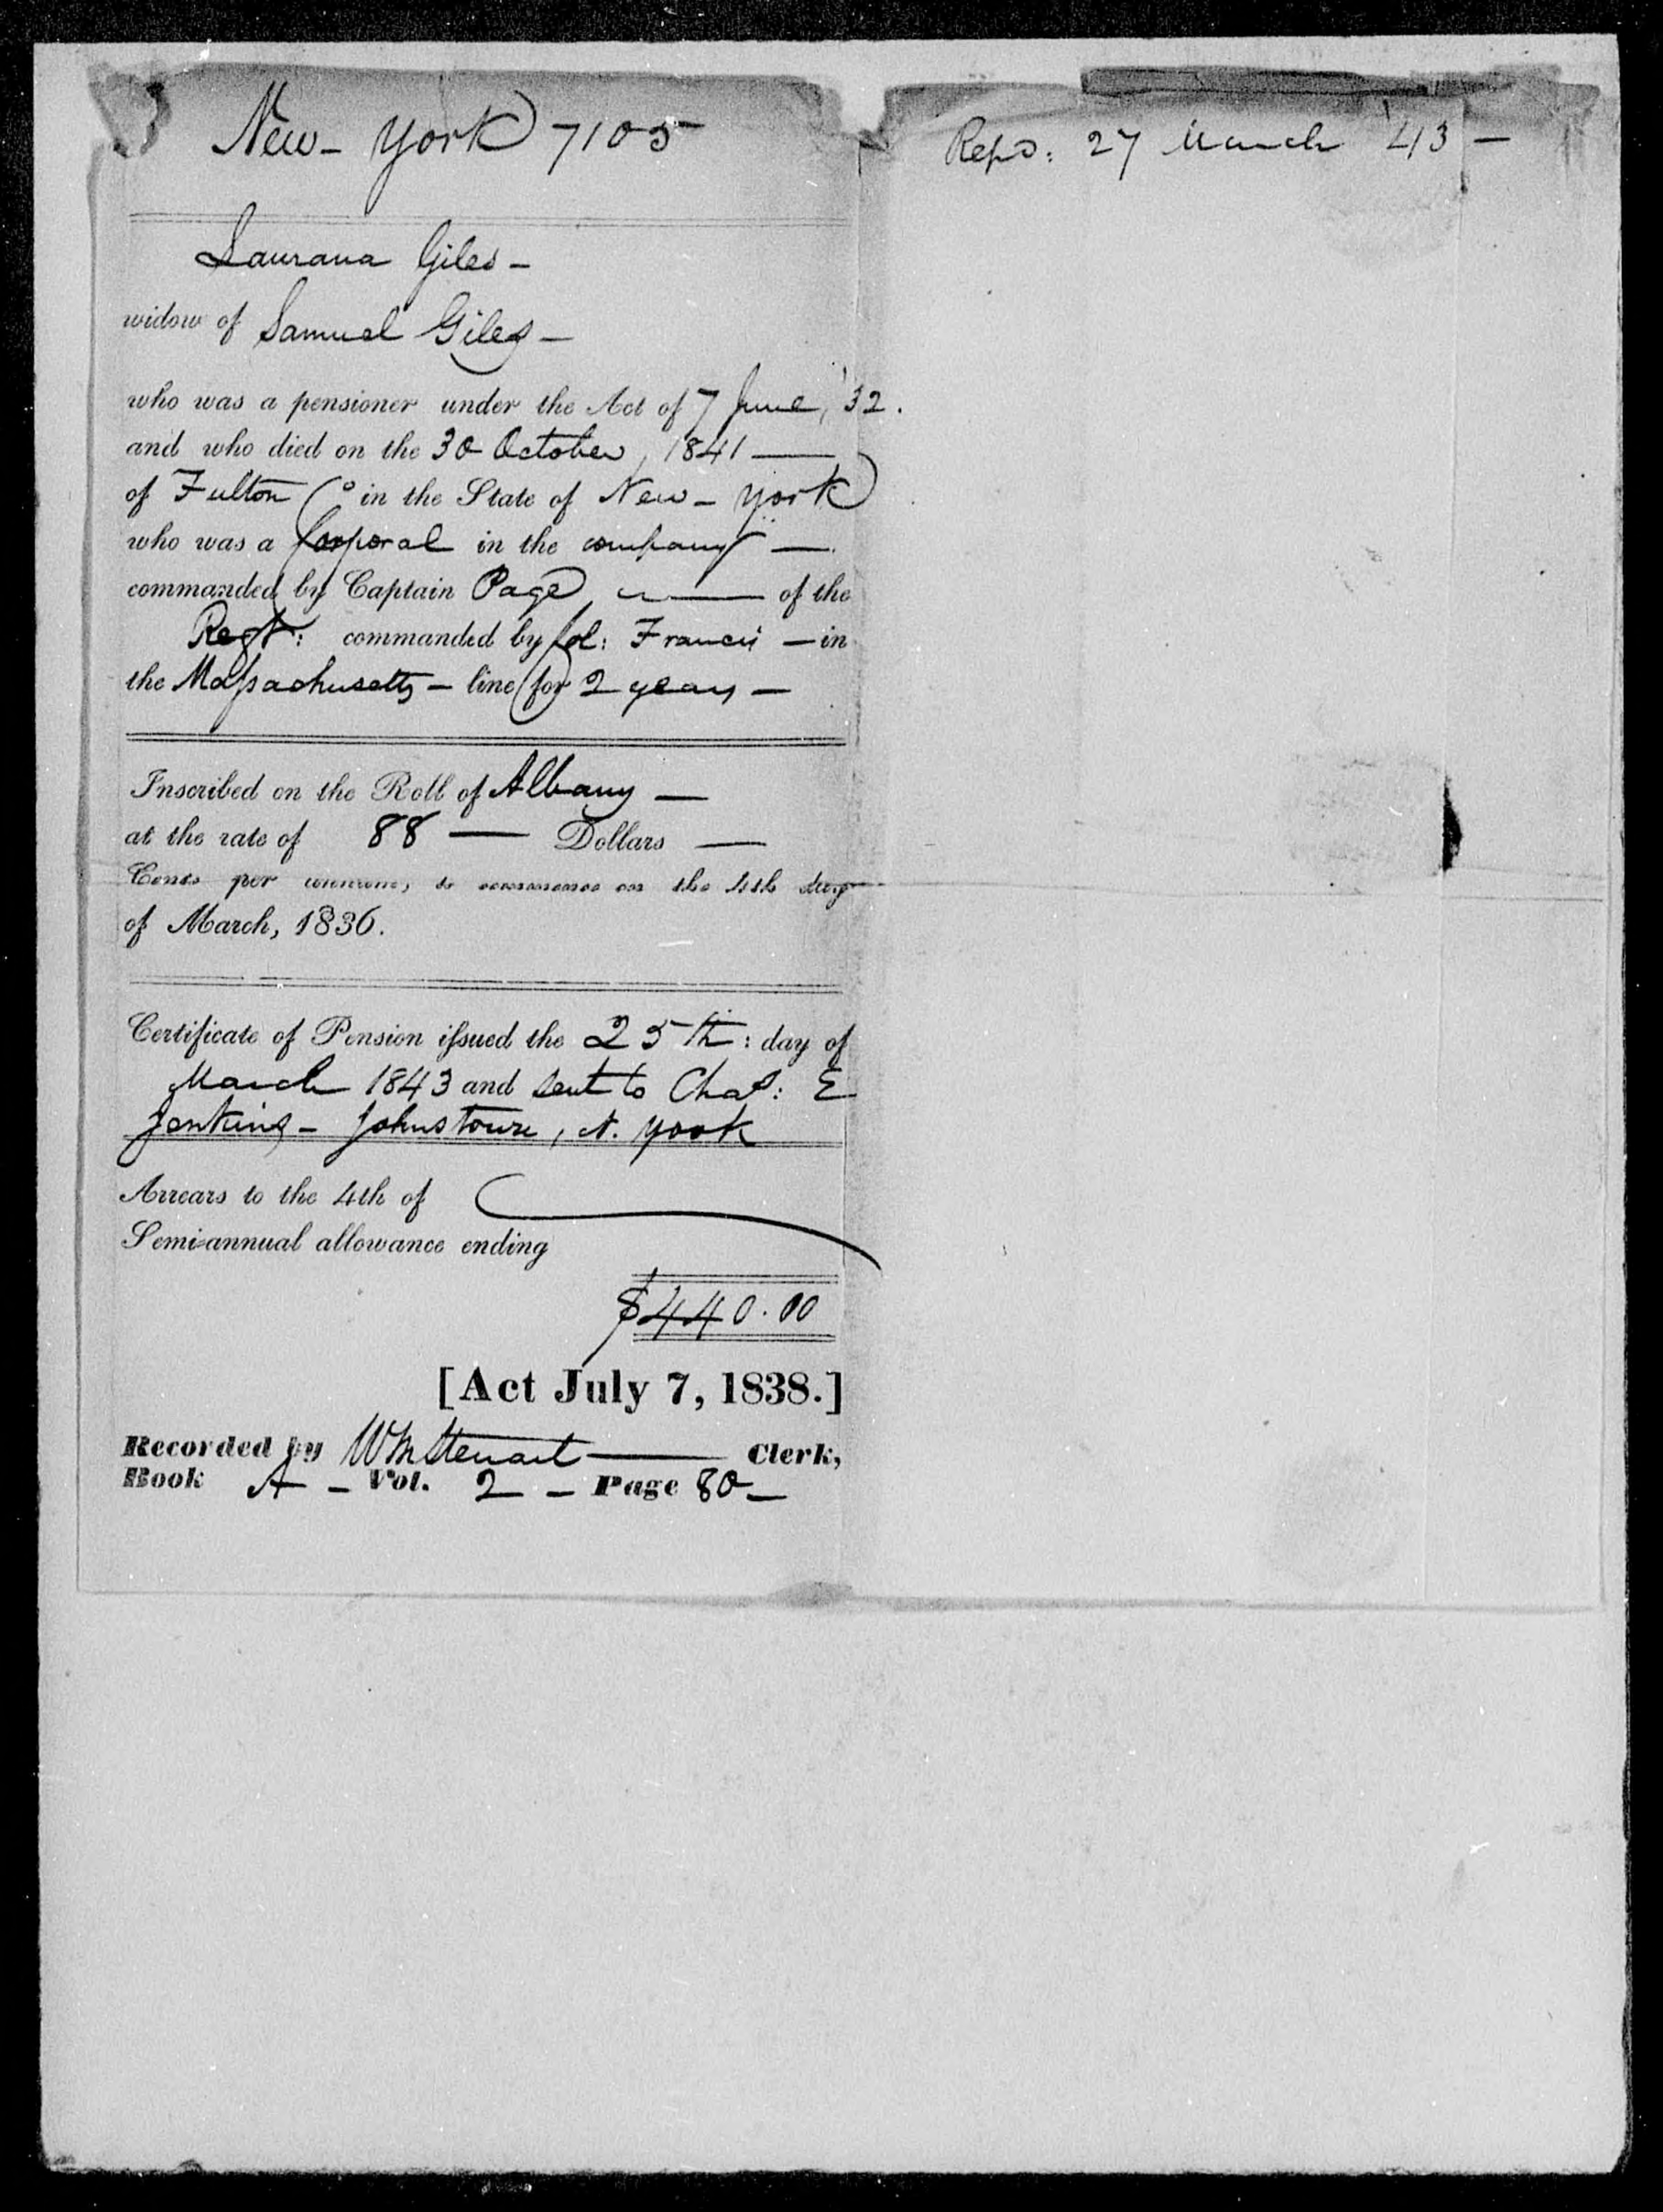Refr: 27 March '43
New- York 7105
Laurana Giles - 
widow of Samuel Giles -
who was a pensioner under Act of 7 June, '32. and who died on the 30 October, 1841 - of Fulton (in the State of New- York) who was a Corporal in the infantry - commanded by Captain Page in - of the Regt: commanded by Col. Francis - in the Massachusetts - line for 2 years - 
Inscribed on the Roll of Albany - at the rate of 88- Dollars - Cents per annum, [illegible] this 4th day of March, 1836.
Certificate of Pension issued the 25th: day of March 1843 and sent to Chas E Jenkins - Johnstown, N. York
Arrears to the 4th of Semi-annual allowance ending $440.00 [Act July 7, 1838.]
Recorded by Wm Stewart - Clerk,
Book A - Vol. 2 - Page 80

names: Francis, Page, Chas E Jenkins, Laurana Giles, W M Stewart, Samuel Giles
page: 34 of 55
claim: widow's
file: W. 19503, Samuel Giles, Conti. Mass. New York